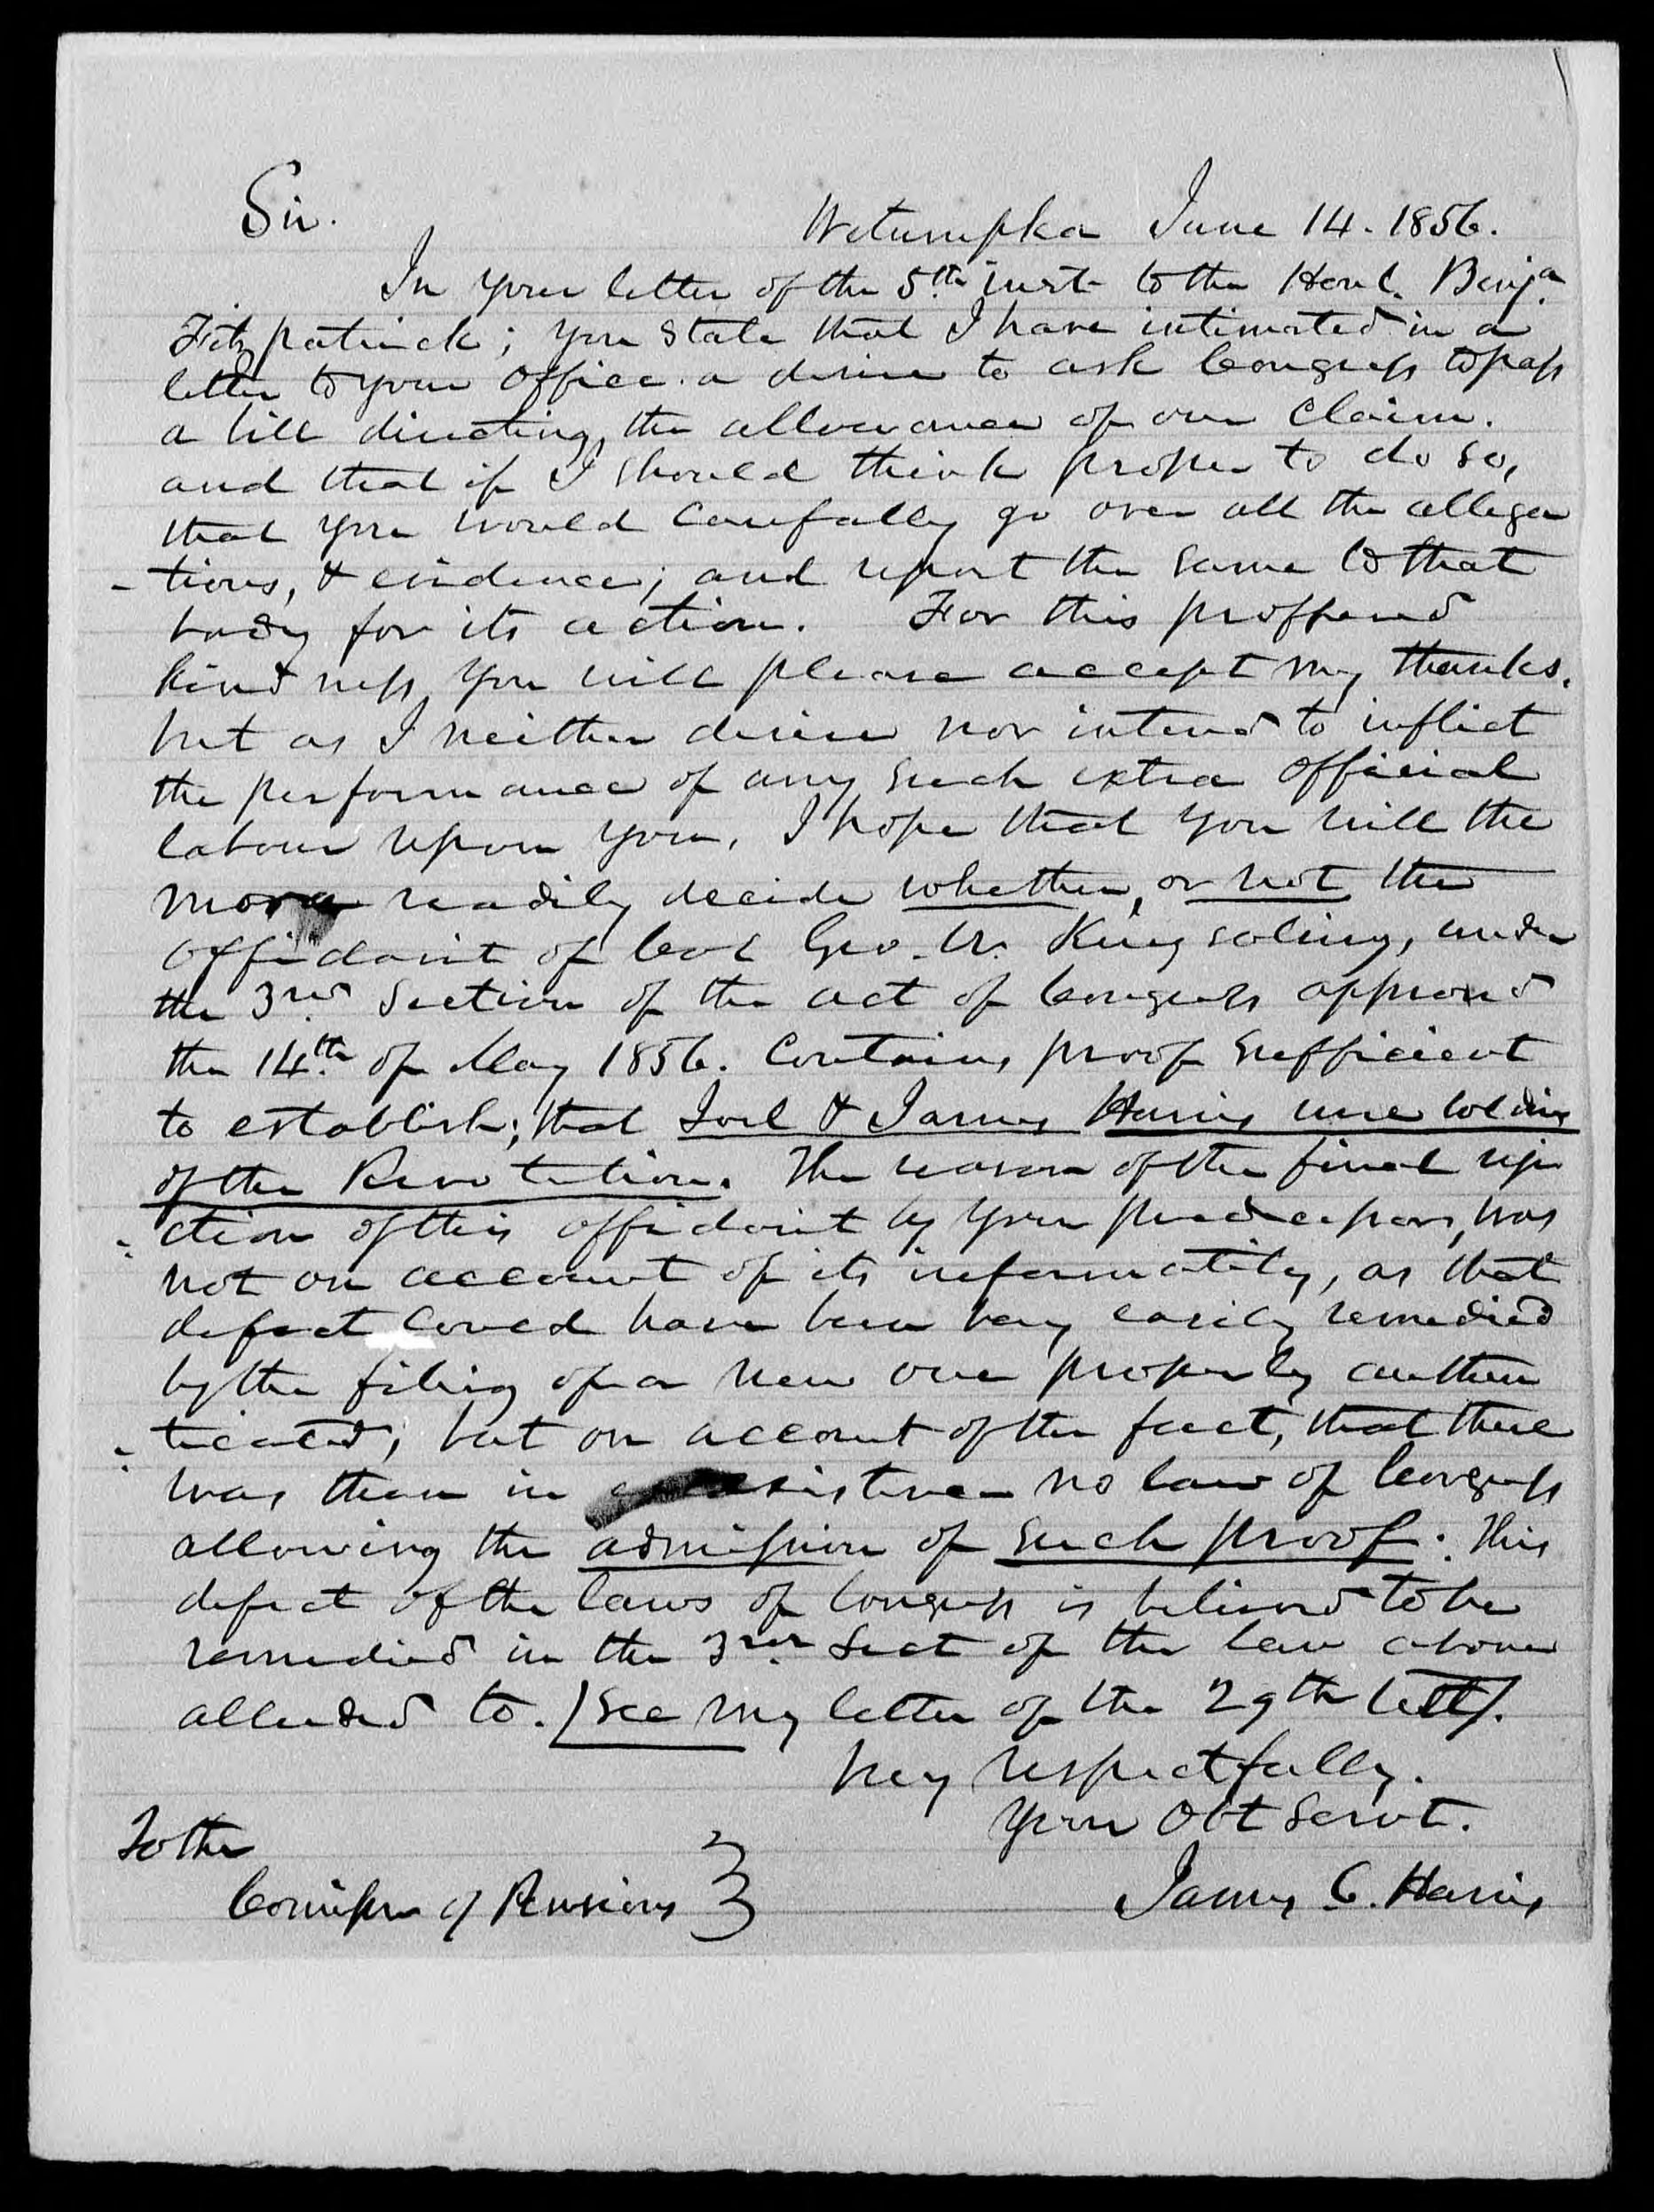Wetumpka June 14, 1856
Sir
   In you letter of the 5th inst to the Honl. Benja Fitzpatrick; you state that I have intimated in a letter to your office a desire to ask Congress to pass a bill directing the allowances of our claim, and that if I should think proper to do so, that you would carefully go over all the allegations, & evidence; and report the same to that body for its action.  For this proffered kindness you will please accept my thanks, but as I neither desire nor intend to inflict the performance of any such extra official labour upon you, I hope that you will the more readily decide whether or not the affidavit of Col. Geo. W. Kinsolving , under the 3rd Section of the act of Congress approved the 14th of May 1856, contains proof sufficient to establish; that Joel & James Harris were soldiers of the Revolution.  The reasons of the final rejection of this affidavit by your predecessor, was not on account of its informality, as that defect could have been very easily remedied by the filing of a new one properly authenticated, but on account of the fact, that there was then in existence no law of Congress allowing the admission of such proof. This defect of the laws of Congress is believed to be remedied in the 3rd Sect of the law above alluded to.  See my letter of the 29th last.
Very respectfully, 
Your Obt Servt.
James C. Harris

To the 
Commisser of Pensions}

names: Benja Fitzpatrick, Joel Harris, Geo W Kingsolving, James Harris, James C Harris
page: 11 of 160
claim: rejected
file: R. 4666, James Harris, Va.